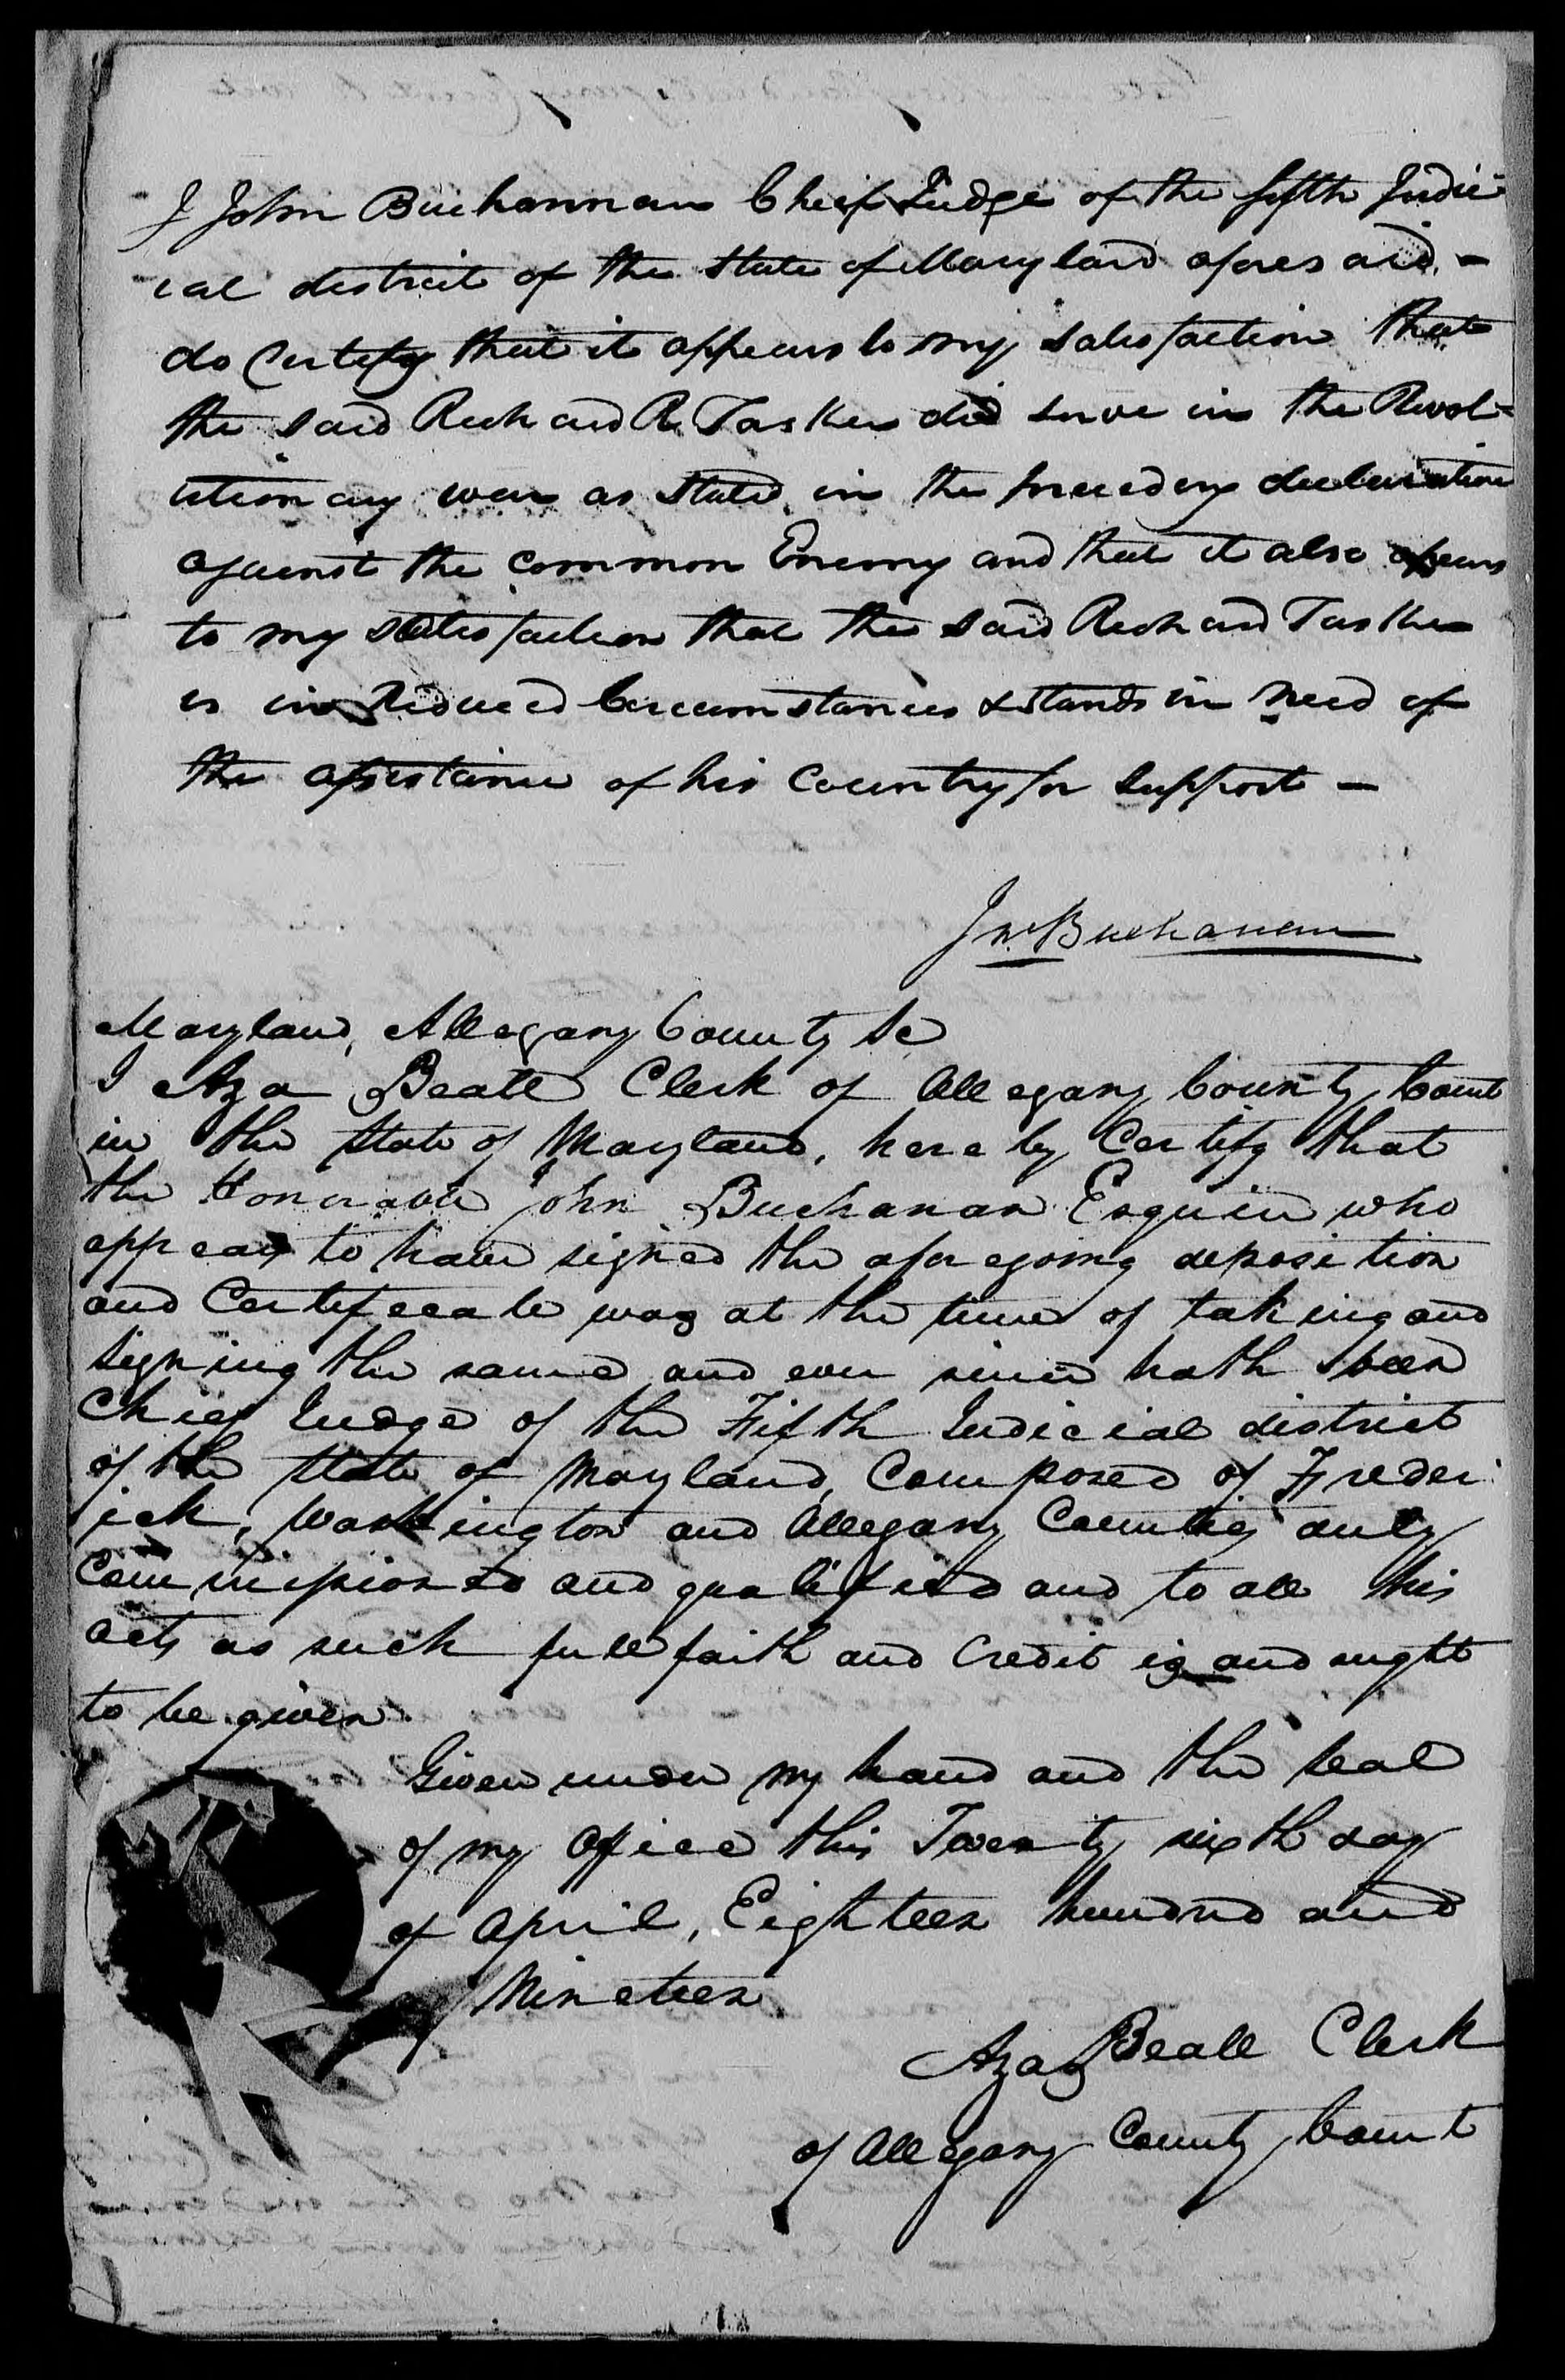I John Buchannan Chief Judge of the fifth Judicial district of the State of Maryland aforesaid--do Certify that it appears to my satisfaction that the said Richard T Tasker did serve in the Revolutionary war as stated in the preceding declaration against the common Enemy and that it also appears to my satisfaction that the said Richard Tasker is in Reduced Circumstances & stands in need of the assistance of his country for support--
Jn. Buchanan

Maryland, Allegany County Sc
I Aza Beall Clerk of Allegany County Court in the State of Maryland, hereby Certify that the Honorable John Buchanan Esquire who appears to have signed the aforegoing deposition and Certificate was at the time of taking and signing the same and ever since hath I been Chief Judge of the Fifth Judicial district of the State of Maryland Composed of Frederick, Washington and Allegany Counties duly commissioned to and qualified and to all  this acts as such full faith and credit is and ought to be given.
Given under my hand and the seal of my office this Twenty sixth day of April, Eighteen hundred and nineteen.
Aza Beale   Clerk
of Allegany County Court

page: 13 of 25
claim: survivor's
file: S. 35093, for Richard R Tasker, Maryland